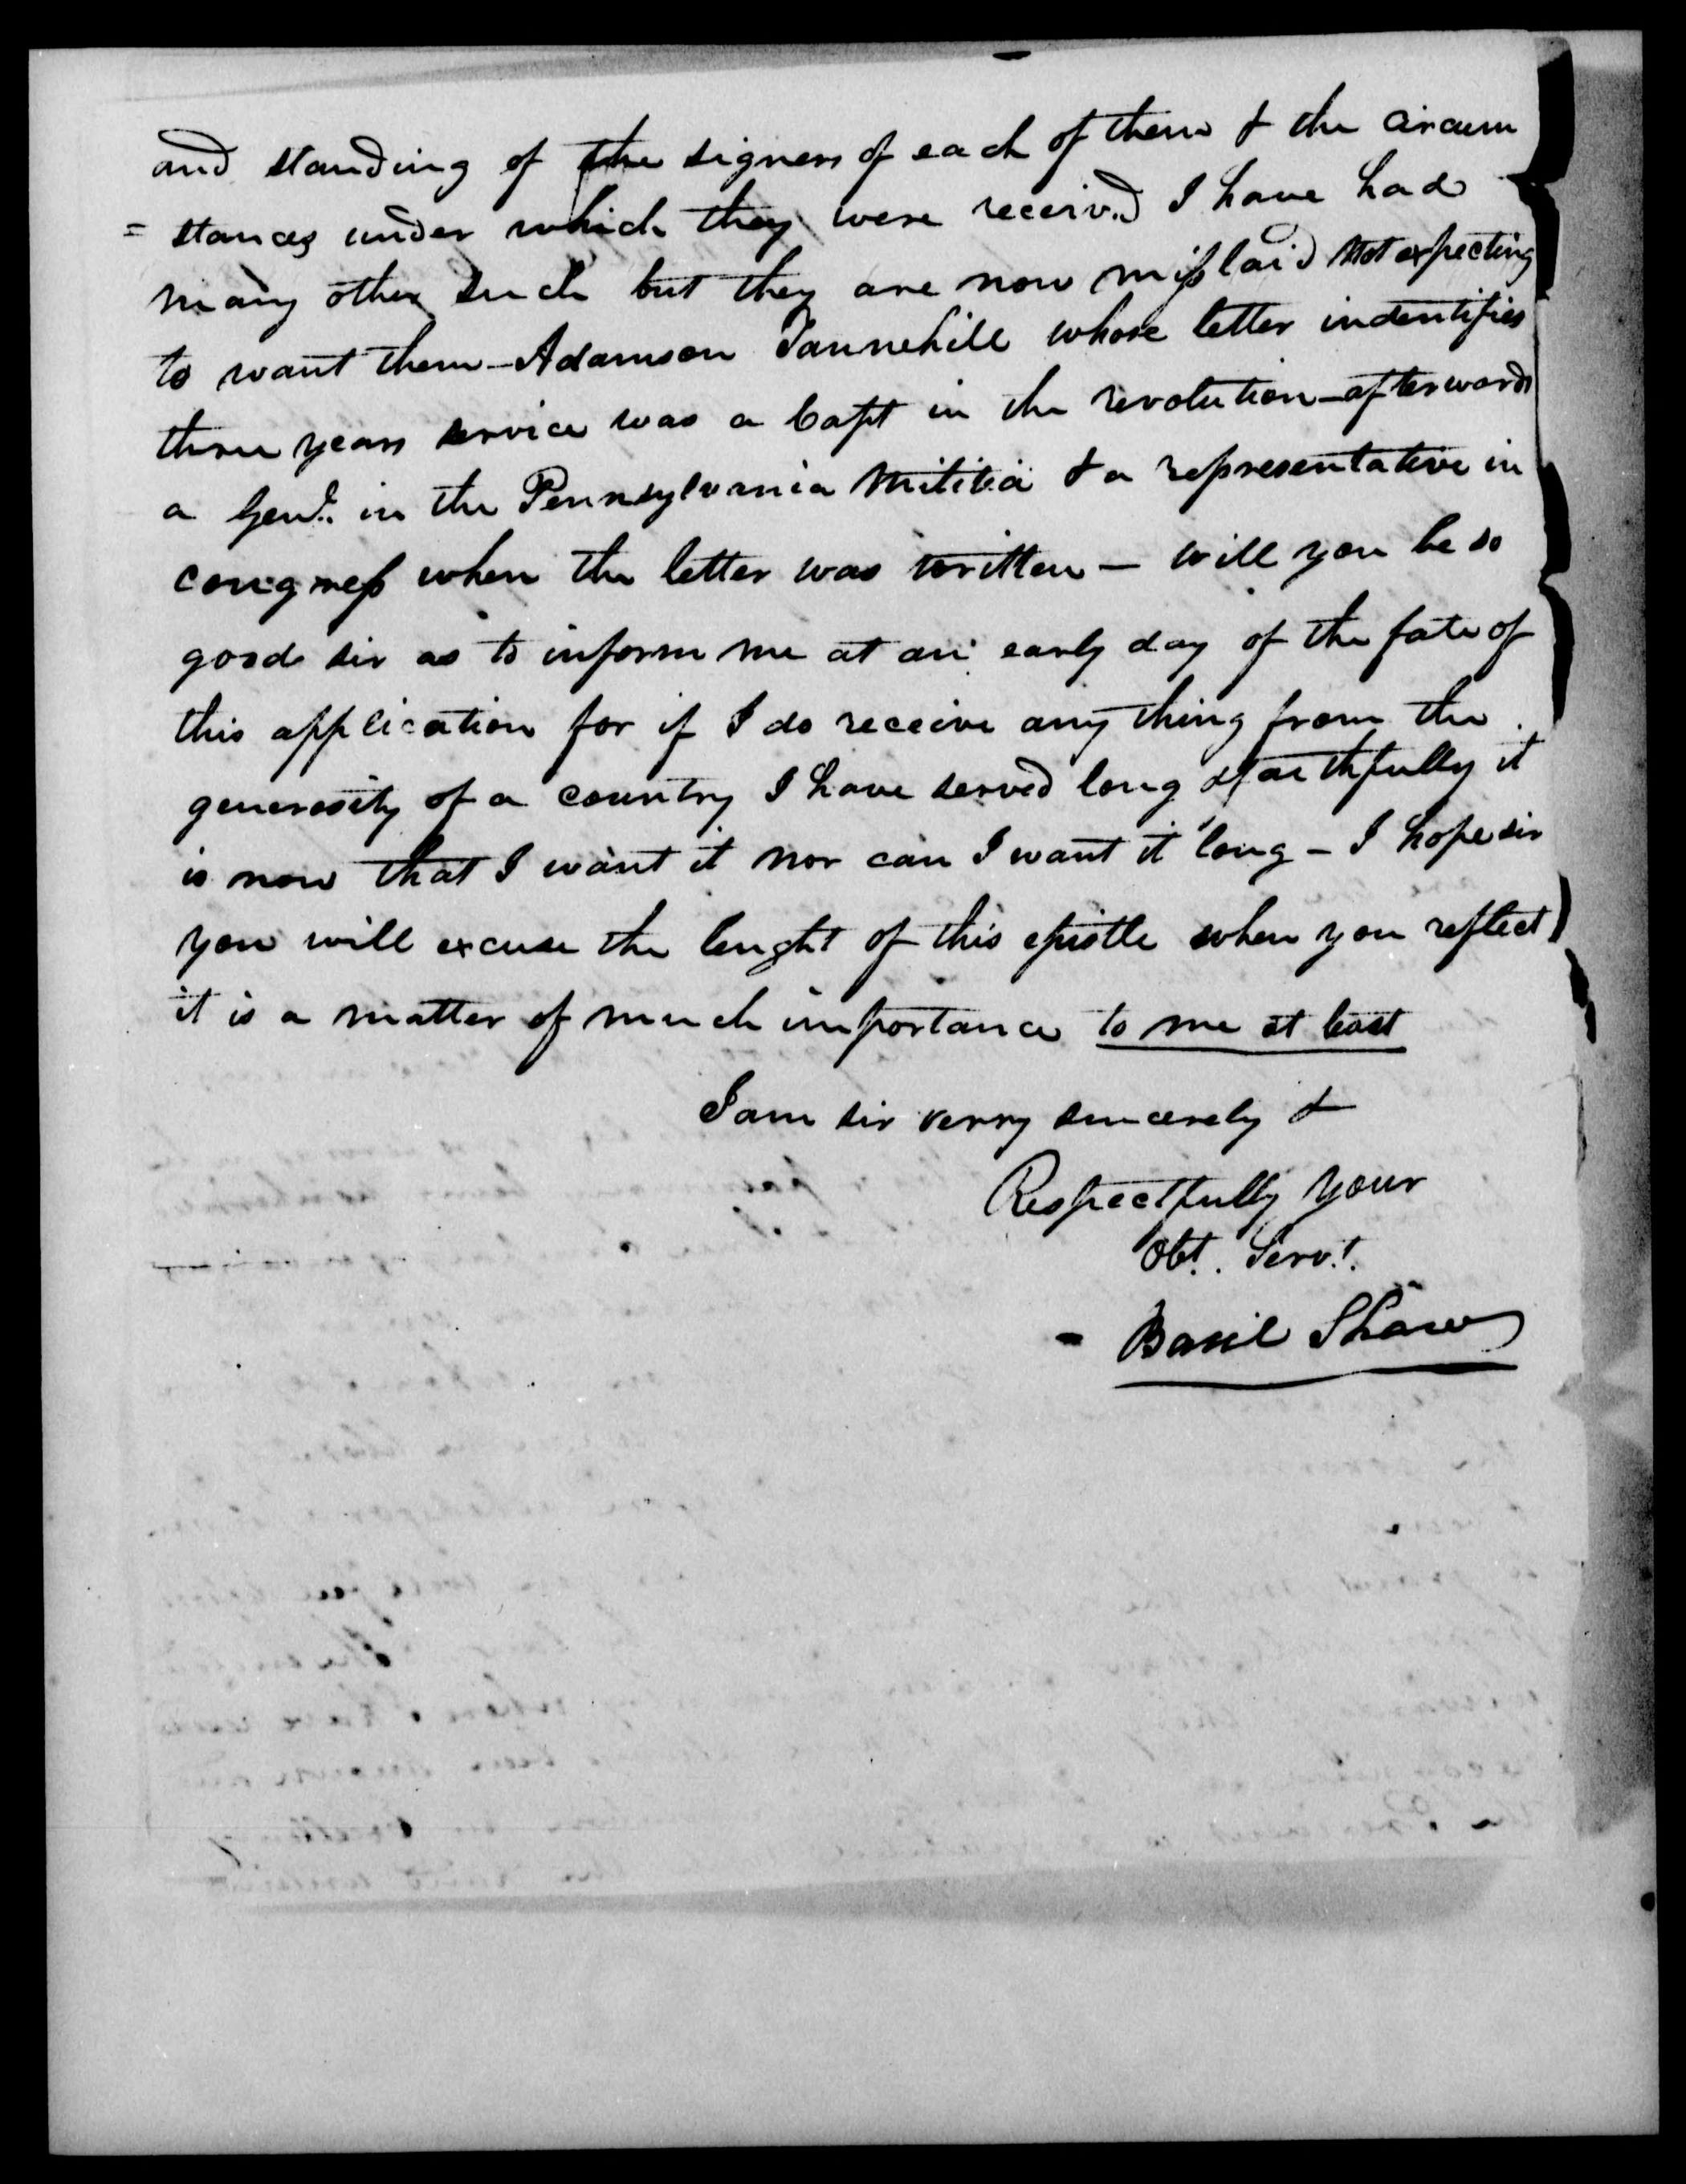and standing of the signers of each of them and the circumstances
under which they were received. I have had
many other such but they are now mislaid not expecting
to want them - Adamson Tannehill whose letter identifies
three years service was a Capt. in the Revolution - afterward
a Genl. in the Pennsylvania Militia and a Representative in
Congress when the letter was written - will you be so
good sir, as to inform me at an early day of the fate of
this application. For if I do receive anything from the
generosity of a country I have served long and faithfully, it
is now that I want it nor can I want it long - I hope sir
you will excuse the length of this epistle when you reflect
it is a matter of much importance to me at least.
I am sir very sincerely and
Respectfully your obt. servt.
Basil Shaw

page: 21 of 32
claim: survivor's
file: S. 16,526, for Basil Shaw, Maryland